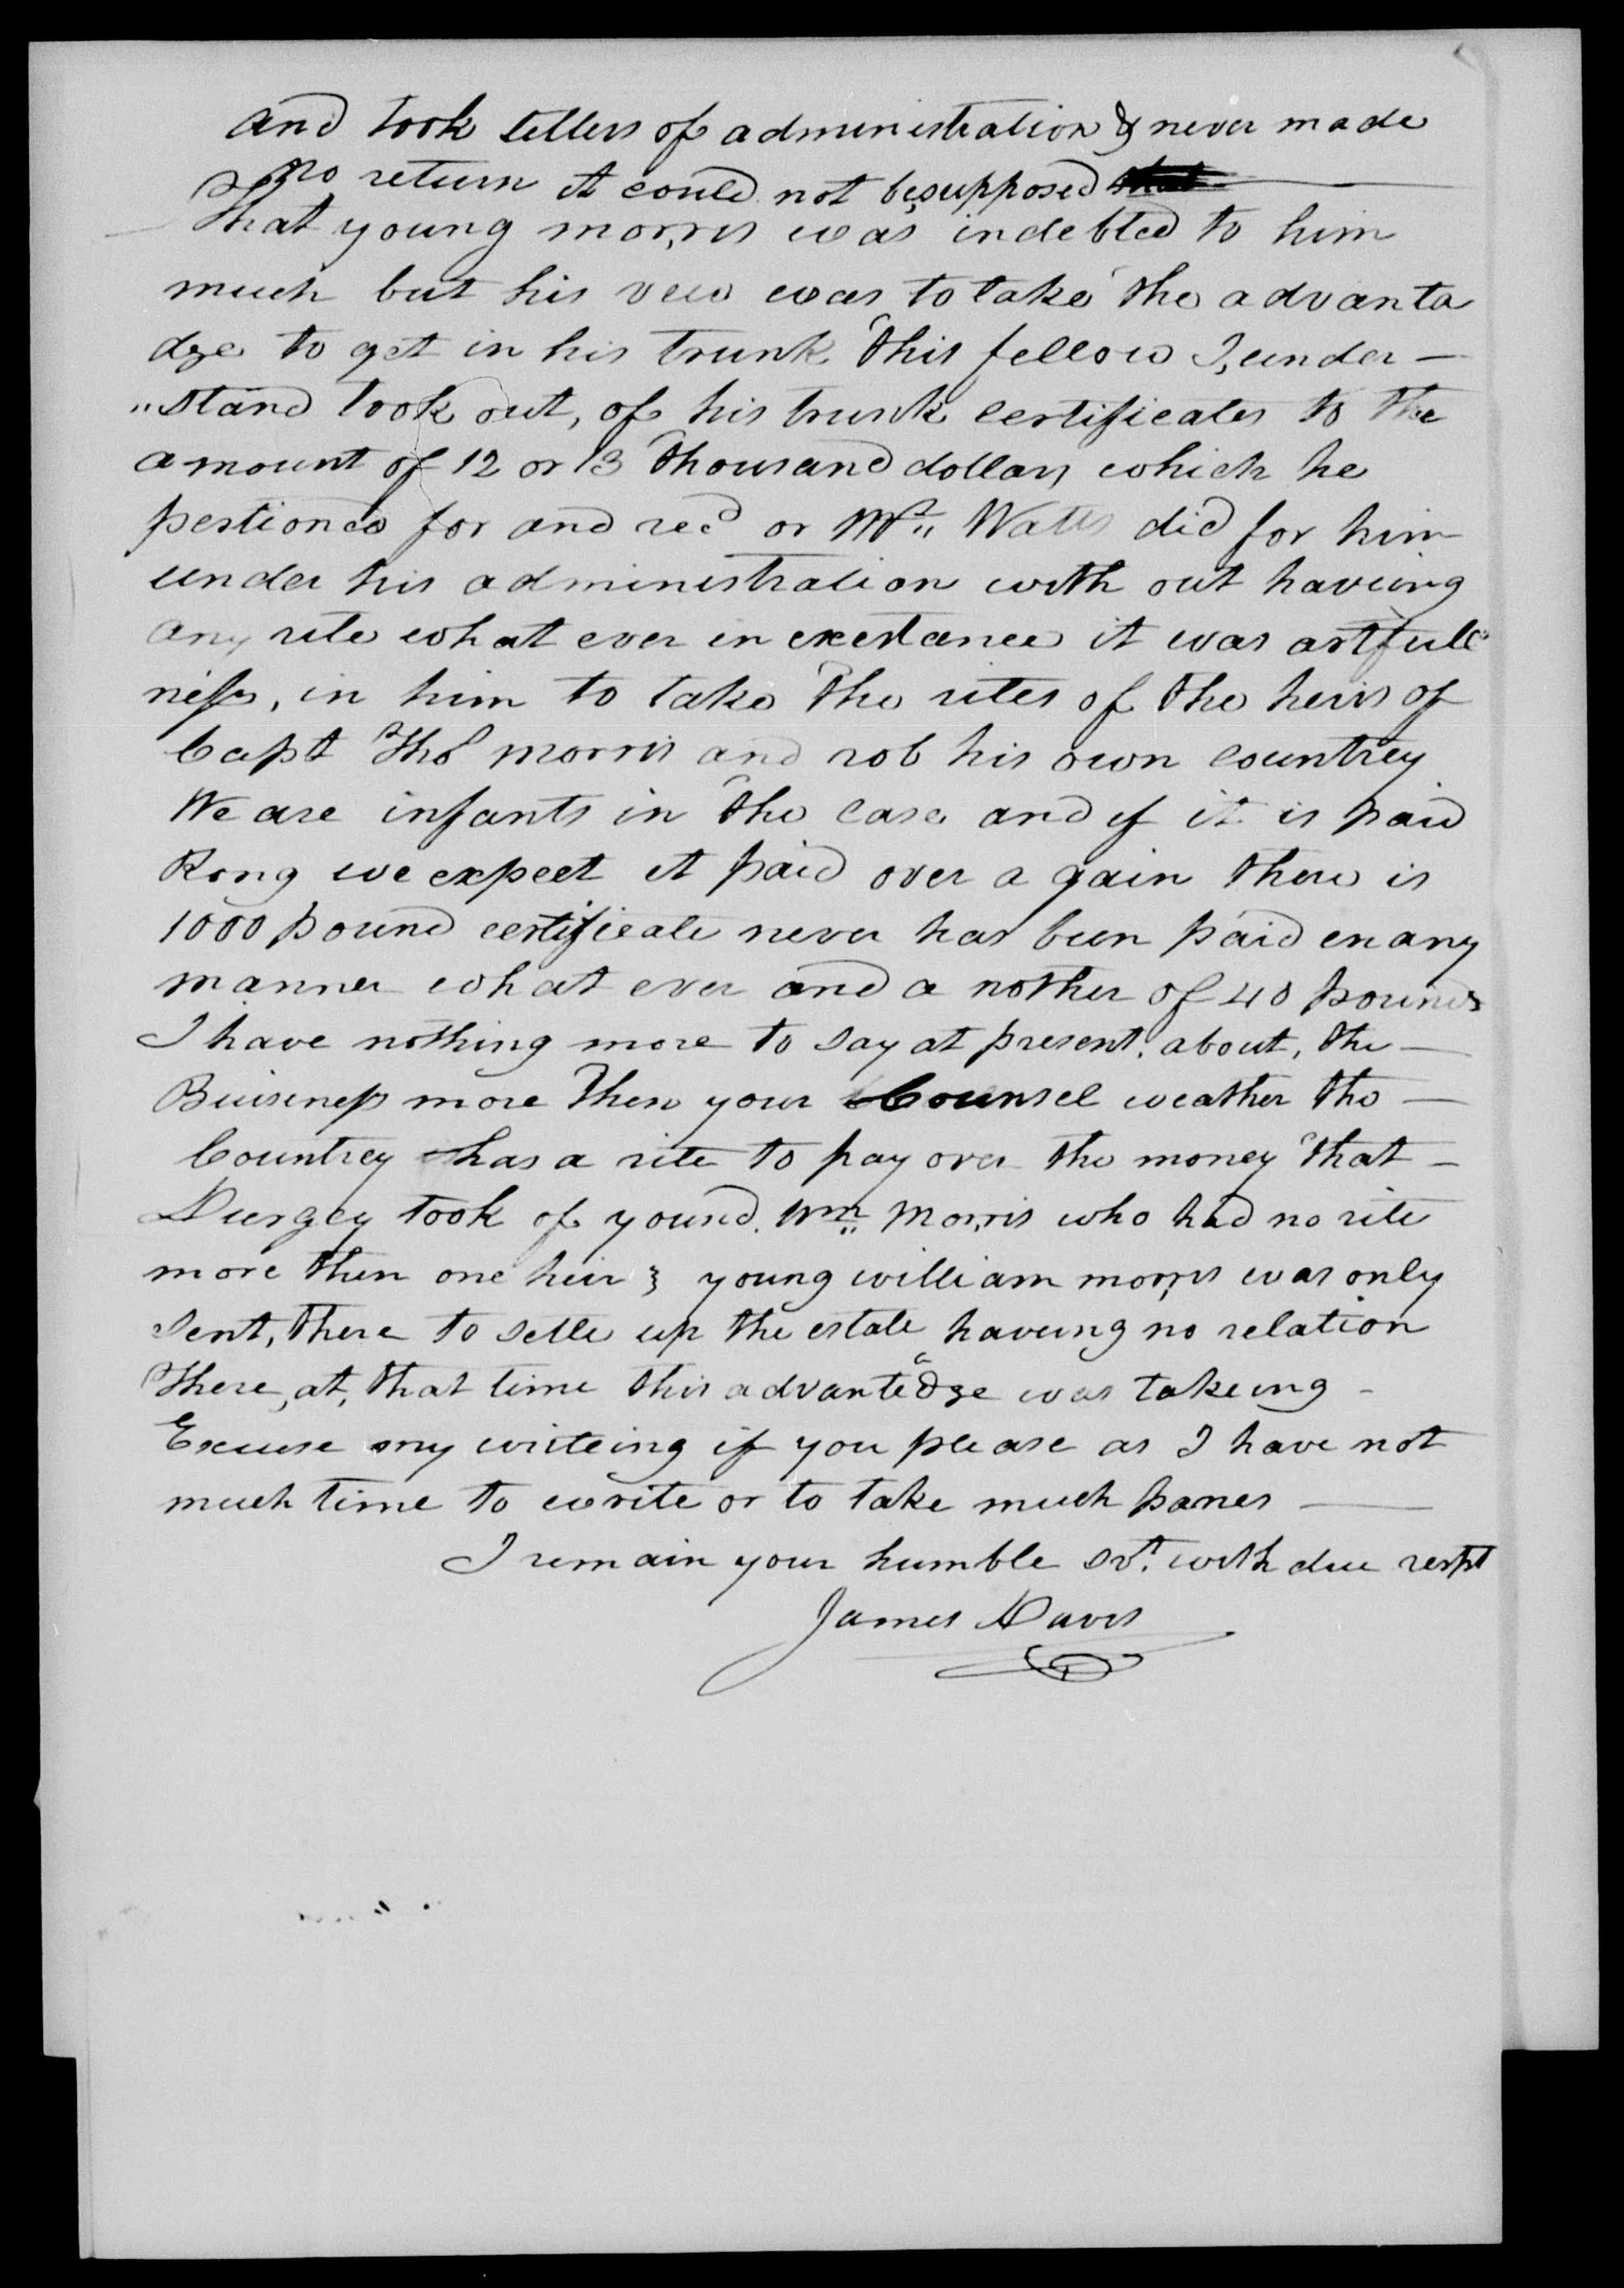and took letters of administration & never made no return it could not besupposed that young morris was indebted to him much but his vew was to take the advantage to get in his trunk this fellow I, understand took out, of his trunk certificates to the amount of 12 or 13 thousand dollars which he pestioned [petitioned] for and recd or Mr. Watts did for him under his administration with out having any rite [right] what ever in [existence] it was artfulness, in him to take the rites [rights] of the heirs of Capt Thos morris and not his own countrey [country].  We are infants in the case and if it is paid Rong [wrong] we expect it paid over a gain [again] there is 1000 pound certificate never has been paid in any manner what ever and a nother [another] of 40 pounds I have nothing more to say at present, about, the Business more than your Counsel weather the Countrey [country] has a rite [right] to pay over the money that Durgey took of [young] Wm Morris who had no rite [right] more than one heir young william morris was only sent, there to setle [settle] up the estate having no relation there, at, that time this advantage was takeing [taking] Excuse my writeing [writing] if you please as I have not much time to write or to take much panes [pains]
I remain your humble svt with due respt
James Davis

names: [BLANK] Watts; William Morris; Thos Morris; [BLANK] Morris; James Davis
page: 8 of 30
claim: rejected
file: R. 16,555, for Thomas Morris, Georgia